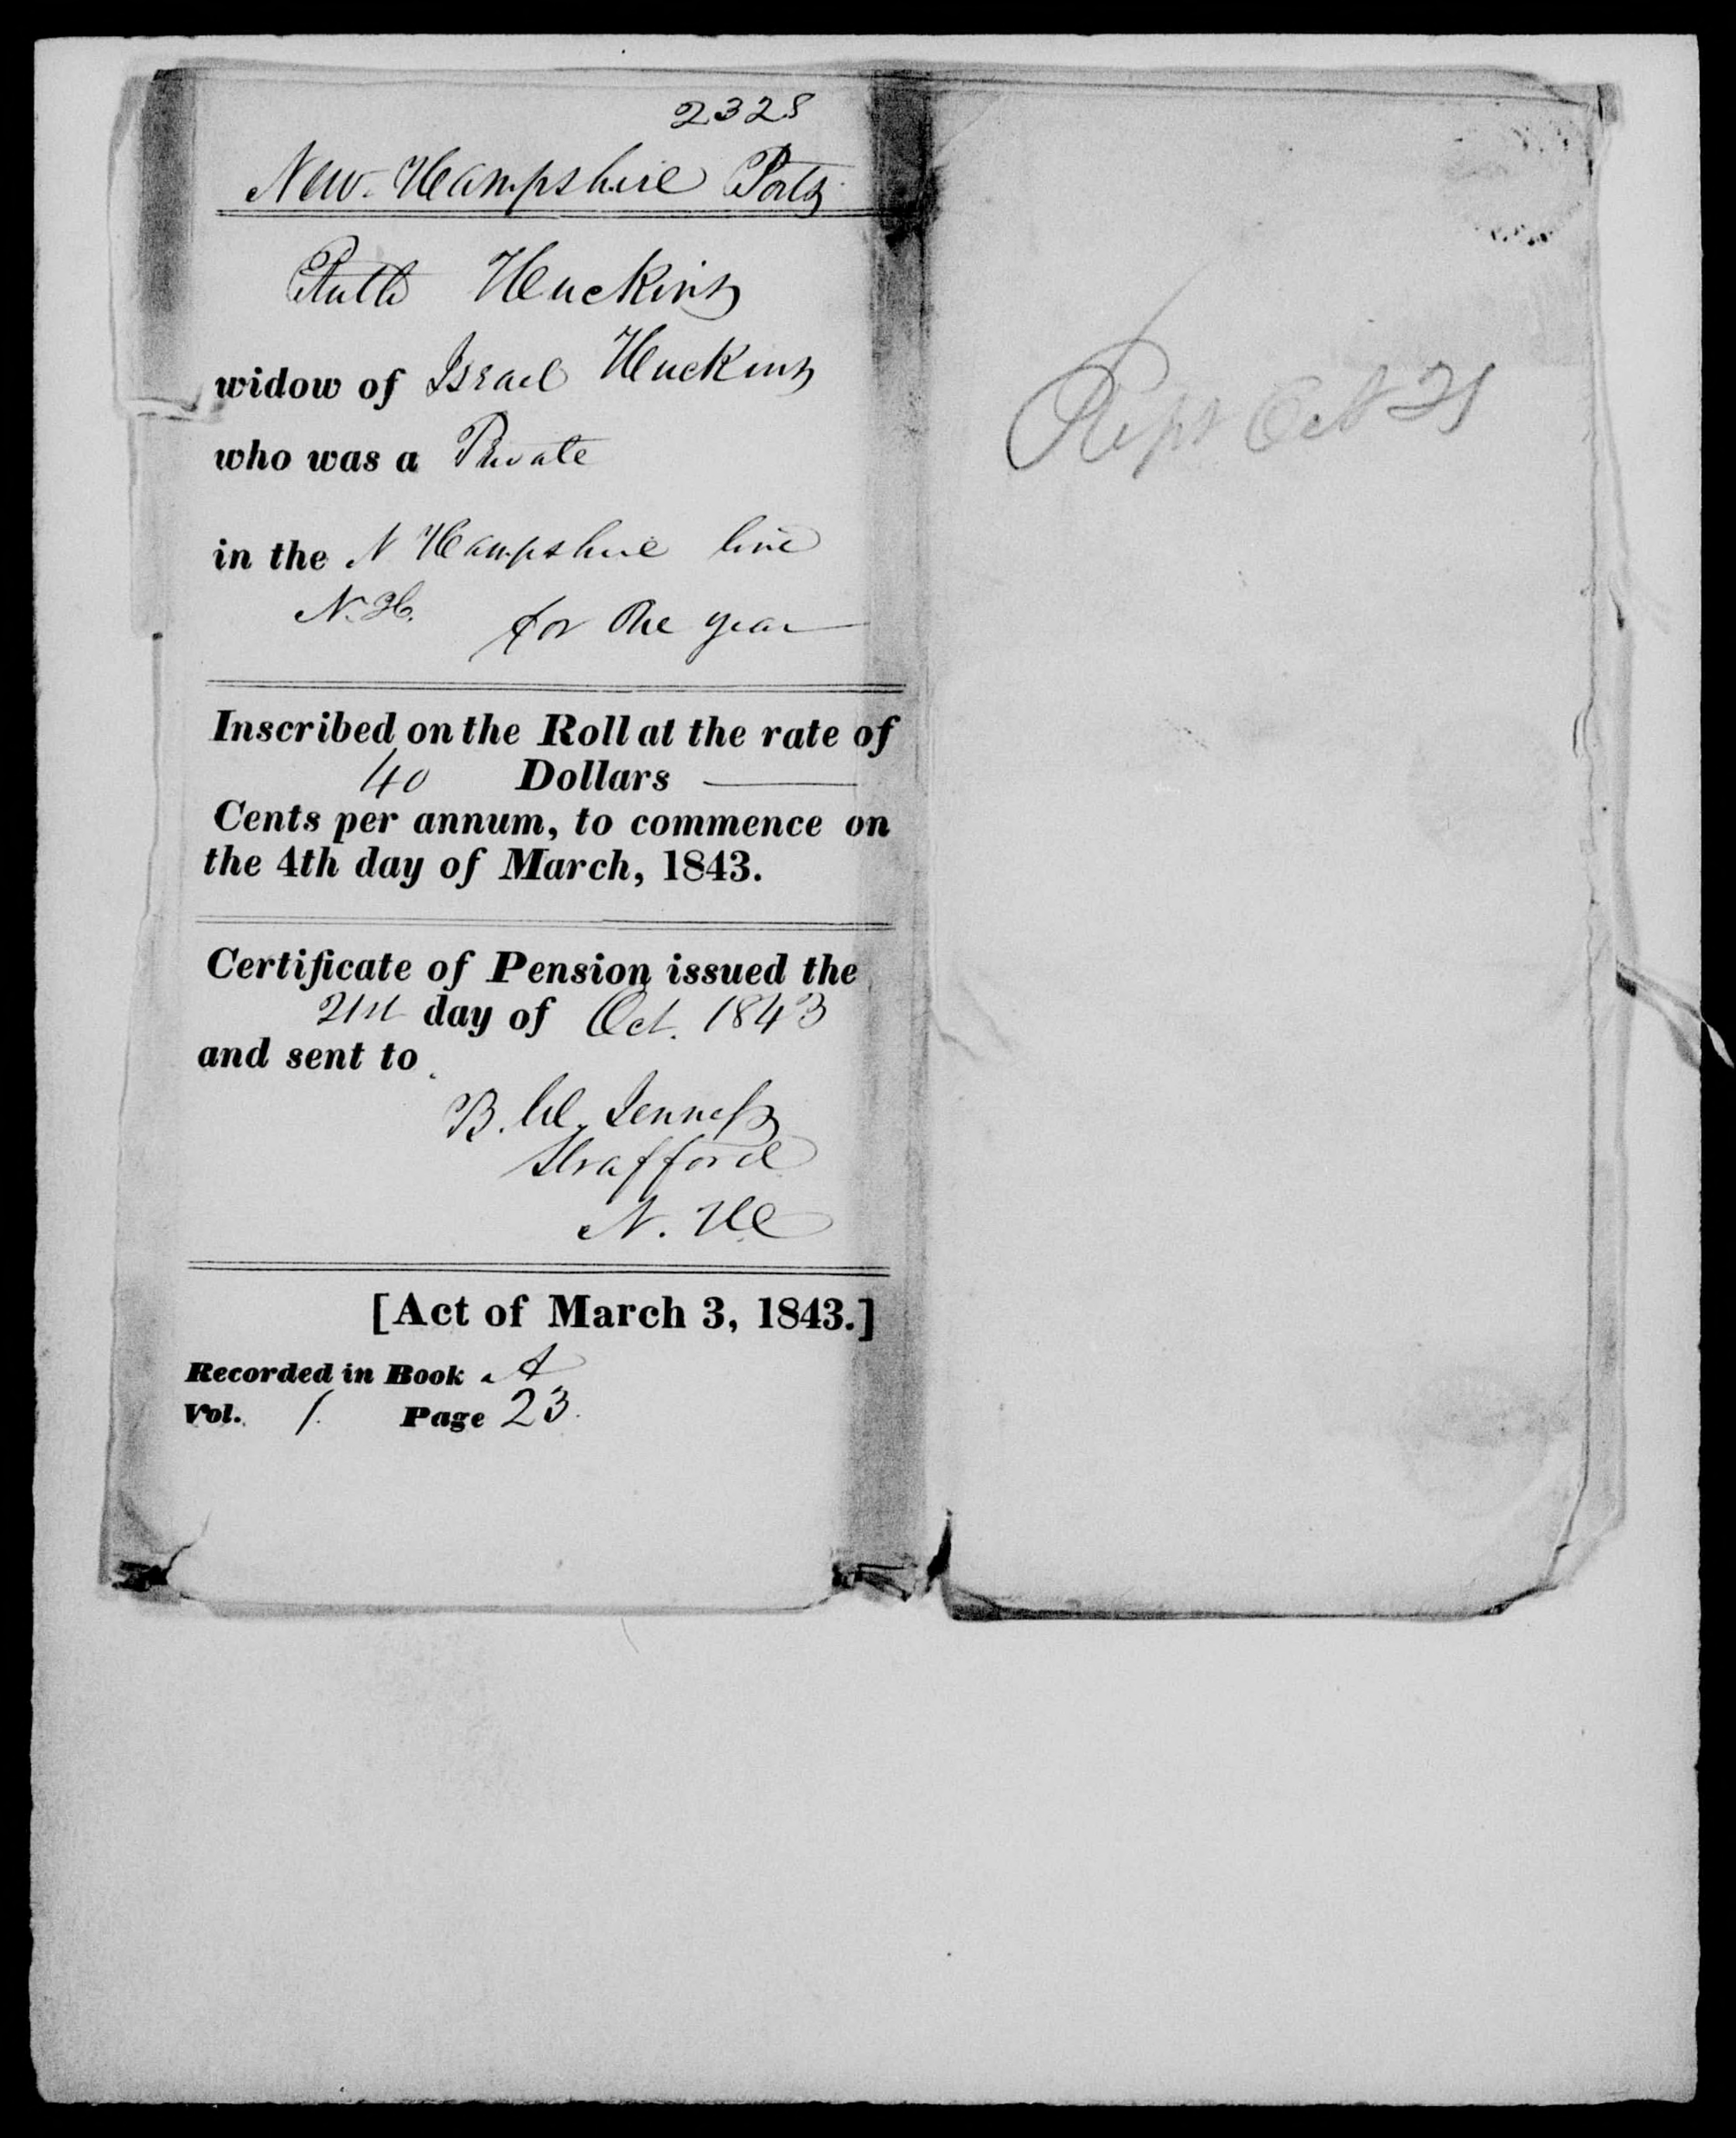2328
New Hampshire [illegible]        Oct 21
Ruth Huckins, 
widow of Israel Huckins
who was a Private
in the N Hampshire live 
NH for one year
Inscribed the Roll at the rate of
40 Dollars--
cents per annum, to commence on
the 4th day of March, 1843
Certificate of Pension issued the
21st day of Oct. 1843
and sent to
B.W. Jenness
Strafford NH
Act of March 3, 1843
Recorded in Book A
Vol 1 Page 23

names: Israel Huckins, B W Jenness, Ruth Huckins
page: 3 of 35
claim: widow's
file: W. 16127, Israel Huckins, N.H.